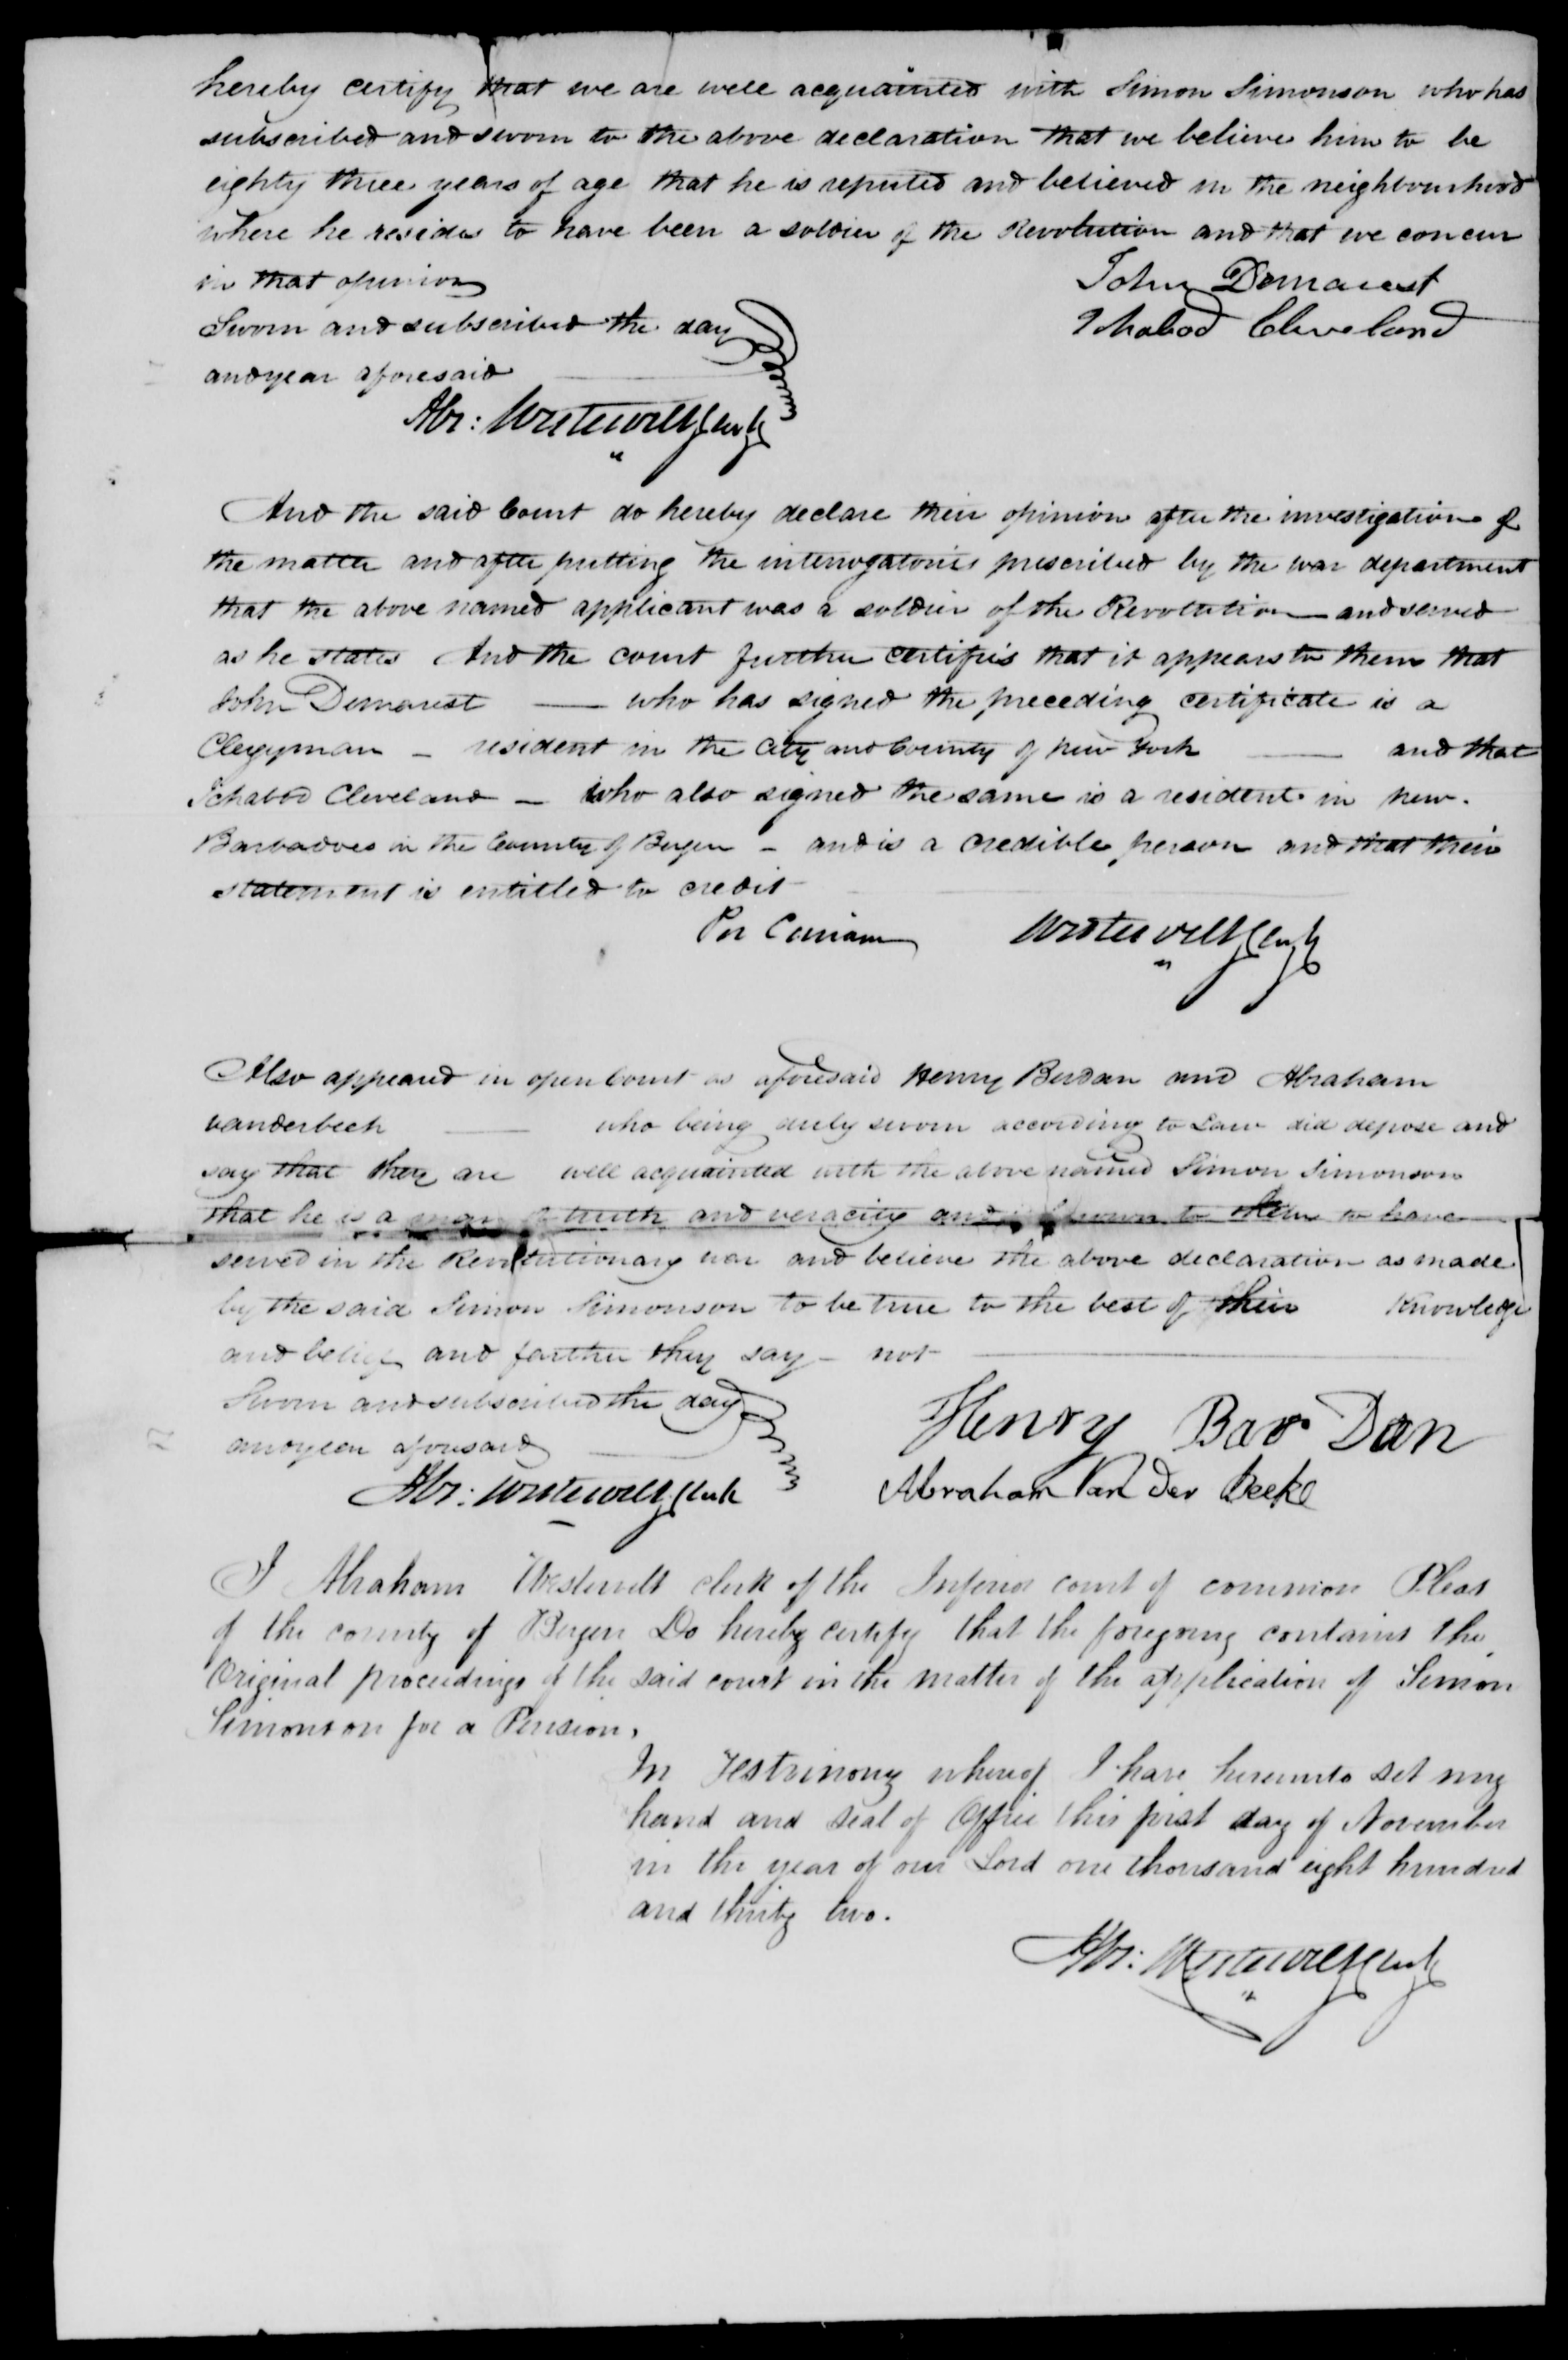hereby certify that we are well acquainted with Simon Simonson who has subscribed and sworn to the above declaration that we believe him to be eighty three years of age that he is reputed and believed in the neighbourhood
where he resides to have been a soldier of the Revolution and that we concur in that opinion
John Damarest
Ichabod Cleveland

Sworn and subscribed the day
and year aforesaid
Abr: Westervill Clerk

And the said Court do hereby declare their opinion after the investigation of the matter and after putting the interrogatories prescribed by the war department that the above named applicant was a soldier of the Revolution and served as he states  And the court further certifies that it appears to them that John Demarest --- who has signed the preceding certificate is a Clergyman --- resident in the City and County of New York ---- and that Ichabod Cleveland -- who also signed the same is a resident in New Barbadoes in the County of Bergen, and is a credible person and that their
statement is entitled to credit
Per Coniam
Westervell Clerk

Also appeared in open Court as aforesaid Henry Berden and Abraham Vanderbeek --- who being duly sworn according to Law did depose and say that they are well acquainted with the above named Simon Simonson that he is a man of truth and veracity and shown to them to have
served in the Revolutionary war and believe the above declaration as made by the said Simon Simonson to be true to the best of their knowledge and belief and further they say not ---

Sworn and subscribed the day
amoylen aforesaid
Henry Bar Dan

I Abraham Westervill Clerk of the Inferior Court of Common Pleas of the County of Bergen do hereby certify that the foregoing contains the original proceedings of the said Court in the matter of the application of Simon Simonson for a Pension.

In Testimony whereof I have hereunto set my
hand and seal of Office this first day of November
in the year of our Lord one thousand eight hundred and thirty two.
Abr: Westervill Clerk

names: Simon Simonson; Abr Westervill; Simon Simonson; John Demarest; Henry Bardan; Abraham Westervill; [BLANK] Westervill; Ichabod Cleveland; Abraham Van Derbeck; Henry Berdan; Per Coniam; Simon Simonson; Abraham Vanderbeck; Ichabod Cleveland; Abr Westervill; John Demarest; Simon Simonson; Abr Westervill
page: 18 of 30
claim: survivor's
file: S. 1104, for Simon Simonson, New Jersey